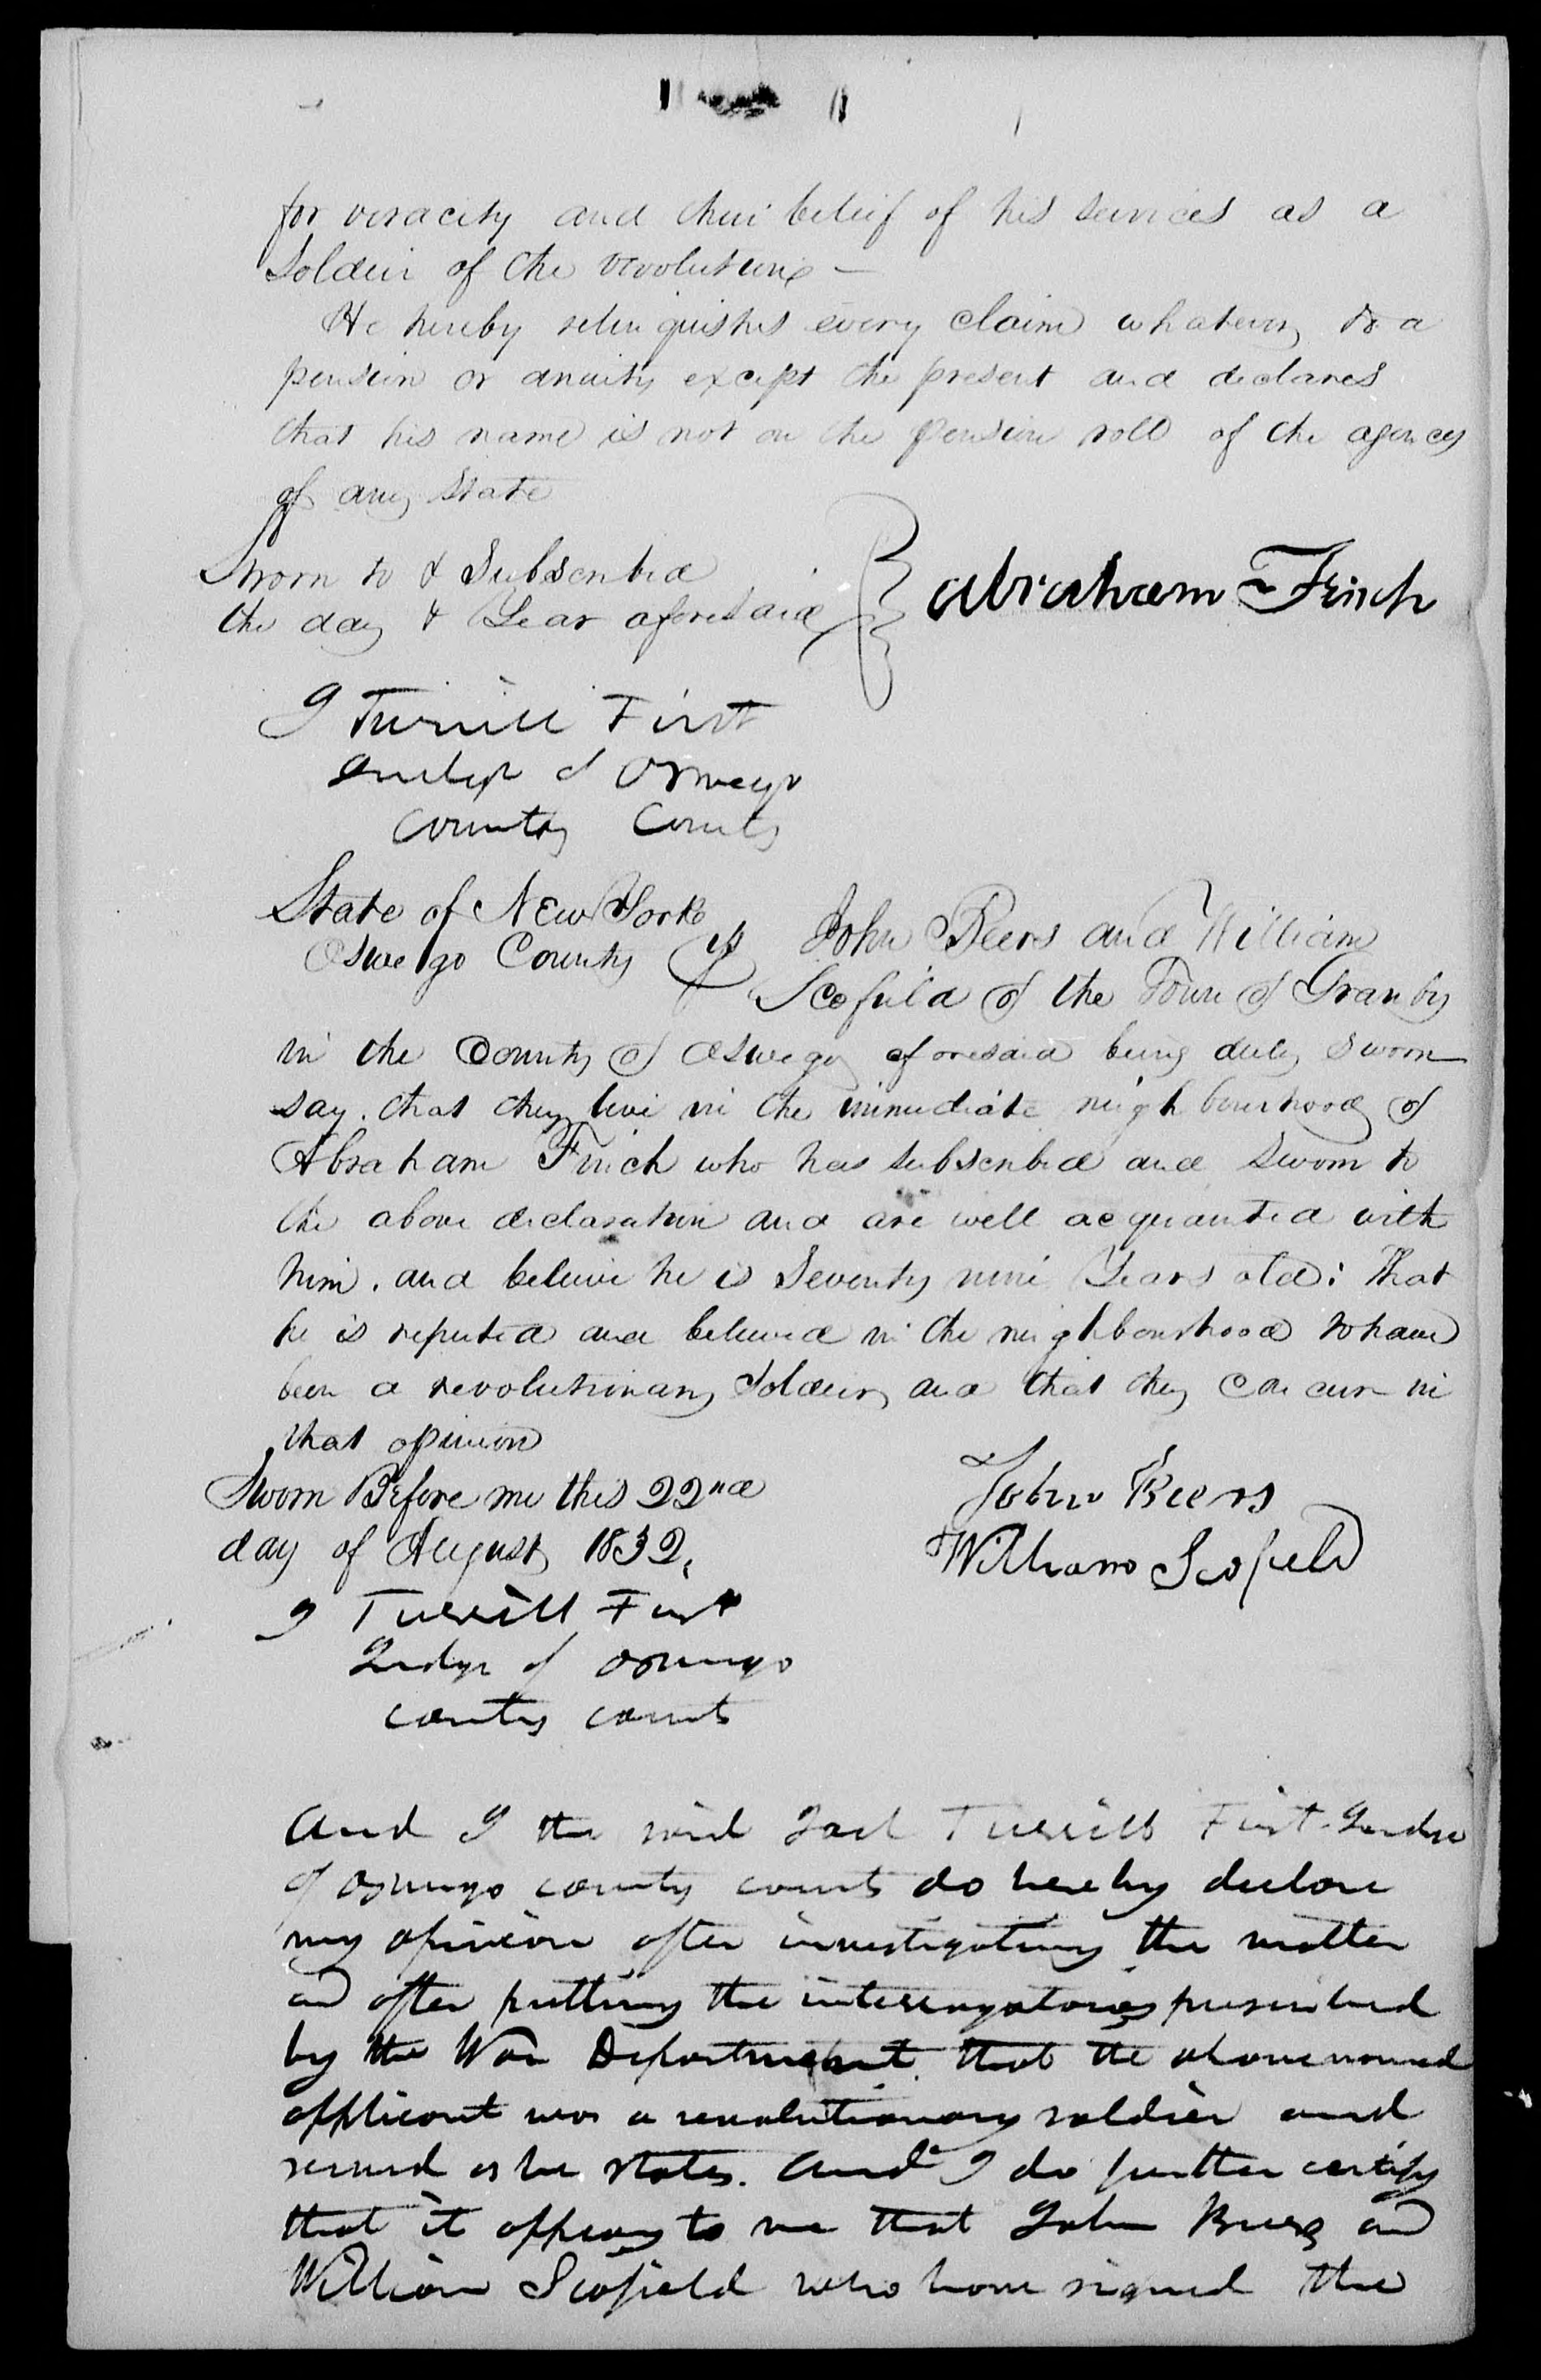for veracity and their belief of his services as a
Soldier of the revolution-
He hereby relinquishes every claim whatever to a
pension or anuity except the present and declares
that his name is not on the pension roll of the agency
of any State
Sworn to & Subscribed
the day & year aforesaid 
Abraham Finch

J Turill First
Judge of Oswego
County Courts
State of New York 
Oswego County SS
John Beers and William
Scofield of the Town of Granby
in the County of Oswego aforesaid being duly sworn
say that they live in the immediate neighbourhood of
Abraham Finch who has subscribed and sworn to
the above declaration and are well acquainted with
him, and believe he is Seventy nine years old: that
he is reputed and believed in the neighbourhood to have
been a revolutionary soldier and that they concur in
that opinion
Sworn Before me this 22nd day
of August 1832,
John Beers
William Scofield

J Turrill First
Judge ofOswego
County Court

and I the said Joel Turrill First Judge 
of Oswego County court do hereby declare
my opinion after investigating the matter
and after putting the interrogatories prescribed
by
the War Department that the above named
applicant was a revolutionary soldier and
served as he states. And I do further certify
that it appears to me that John Beers and
William Scofield who have signed the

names: Abraham Finch, J Turrill, John Beers, Joel Turrill, William Scofield, Abraham Finch, J Turrill, John Beers, William Scofield, John Beers, William Scofield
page: 6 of 35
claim: survivor's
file: S. 28727, Abraham Finch, Conn.